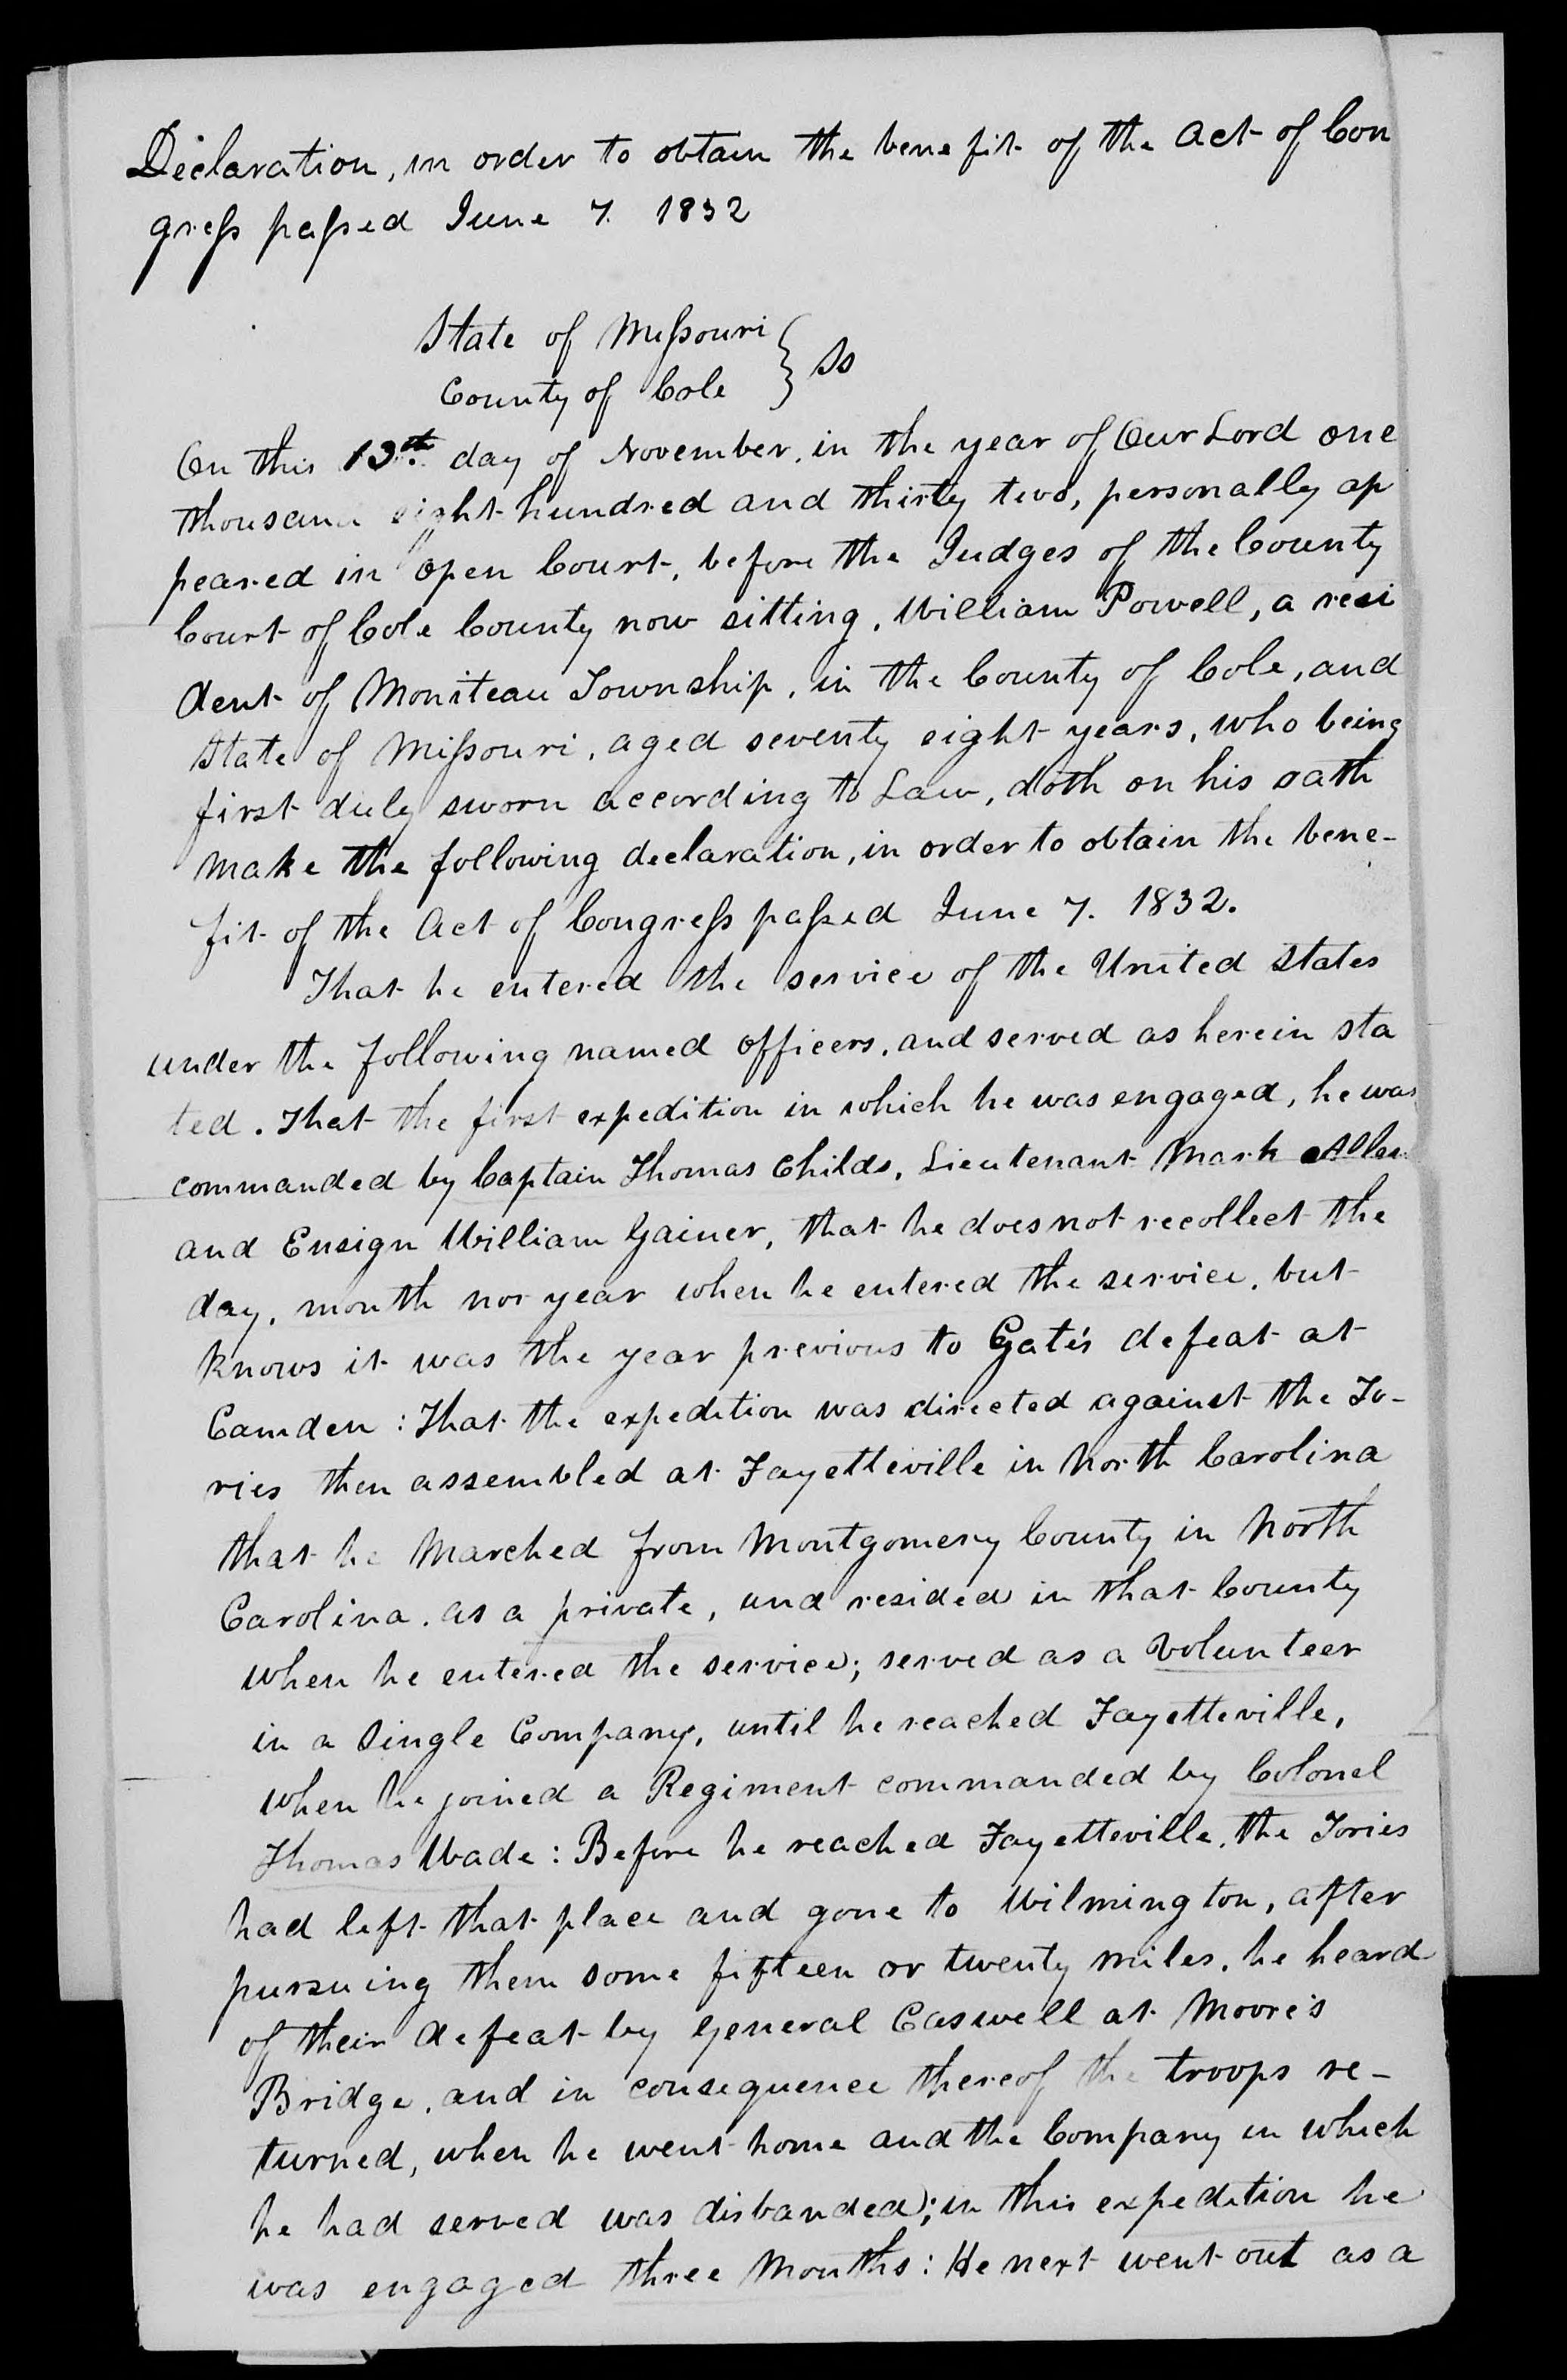Declaration, in order to obtain the benefit of the Act of Congress passed June 7 1832
1
State of Missouri
County of Cole

On this 13th day of November in the year of Our Lord one thousand eight hundred and thirty two, personally appeared in open Court before the Judges of the County Court of Cole County now sitting, William Powell, a resident of Moniteau Township, in the County of Cole, and State of Missouri, aged seventy eight years, who being first duly sworn according to Law, doth on his oath make the following declaration, in order to obtain the benefit
of the Act of Congress passed June 7. 1832.

That he entered the service of the United States under the following named officers, and served as herein stated. That the first expedition in which he was engaged, he was
commanded by Captain Thomas Childs, Lieutenant Mark Allen and Ensign William Gainer, that he does not recollect the day, month nor year when he entered the service, but knows it was the year previous to Gates defeat at Camden. That the expedition was directed against the Tories then assembled at Fayetteville in North Carolina. that he marched from Montgomery County in North Carolina, as a private, and resided in that County
when he entered the service, served as a volunteer in a single company, until he reached Fayetteville, when he joined a Regiment commanded by Colonel Thomas Wade. Before he reached Fayetteville the Tories had left that place and gone to Wilmington, after pursuing them some fifteen or twenty miles, he heard of their defeat by General Caswell at Moore's
Bridge, and in consequence thereof the troops returned, when he went home and the Company in which
he had served was disbanded; in this expedition he
was engaged three months: He next went out as a [next]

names: Mark Allen; William Powell; Thomas Childs; William Gainer; Thomas Wade; [BLANK] Gates; [BLANK] Caswell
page: 4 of 19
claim: survivor's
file: S. 17022, for William Powell, North Carolina